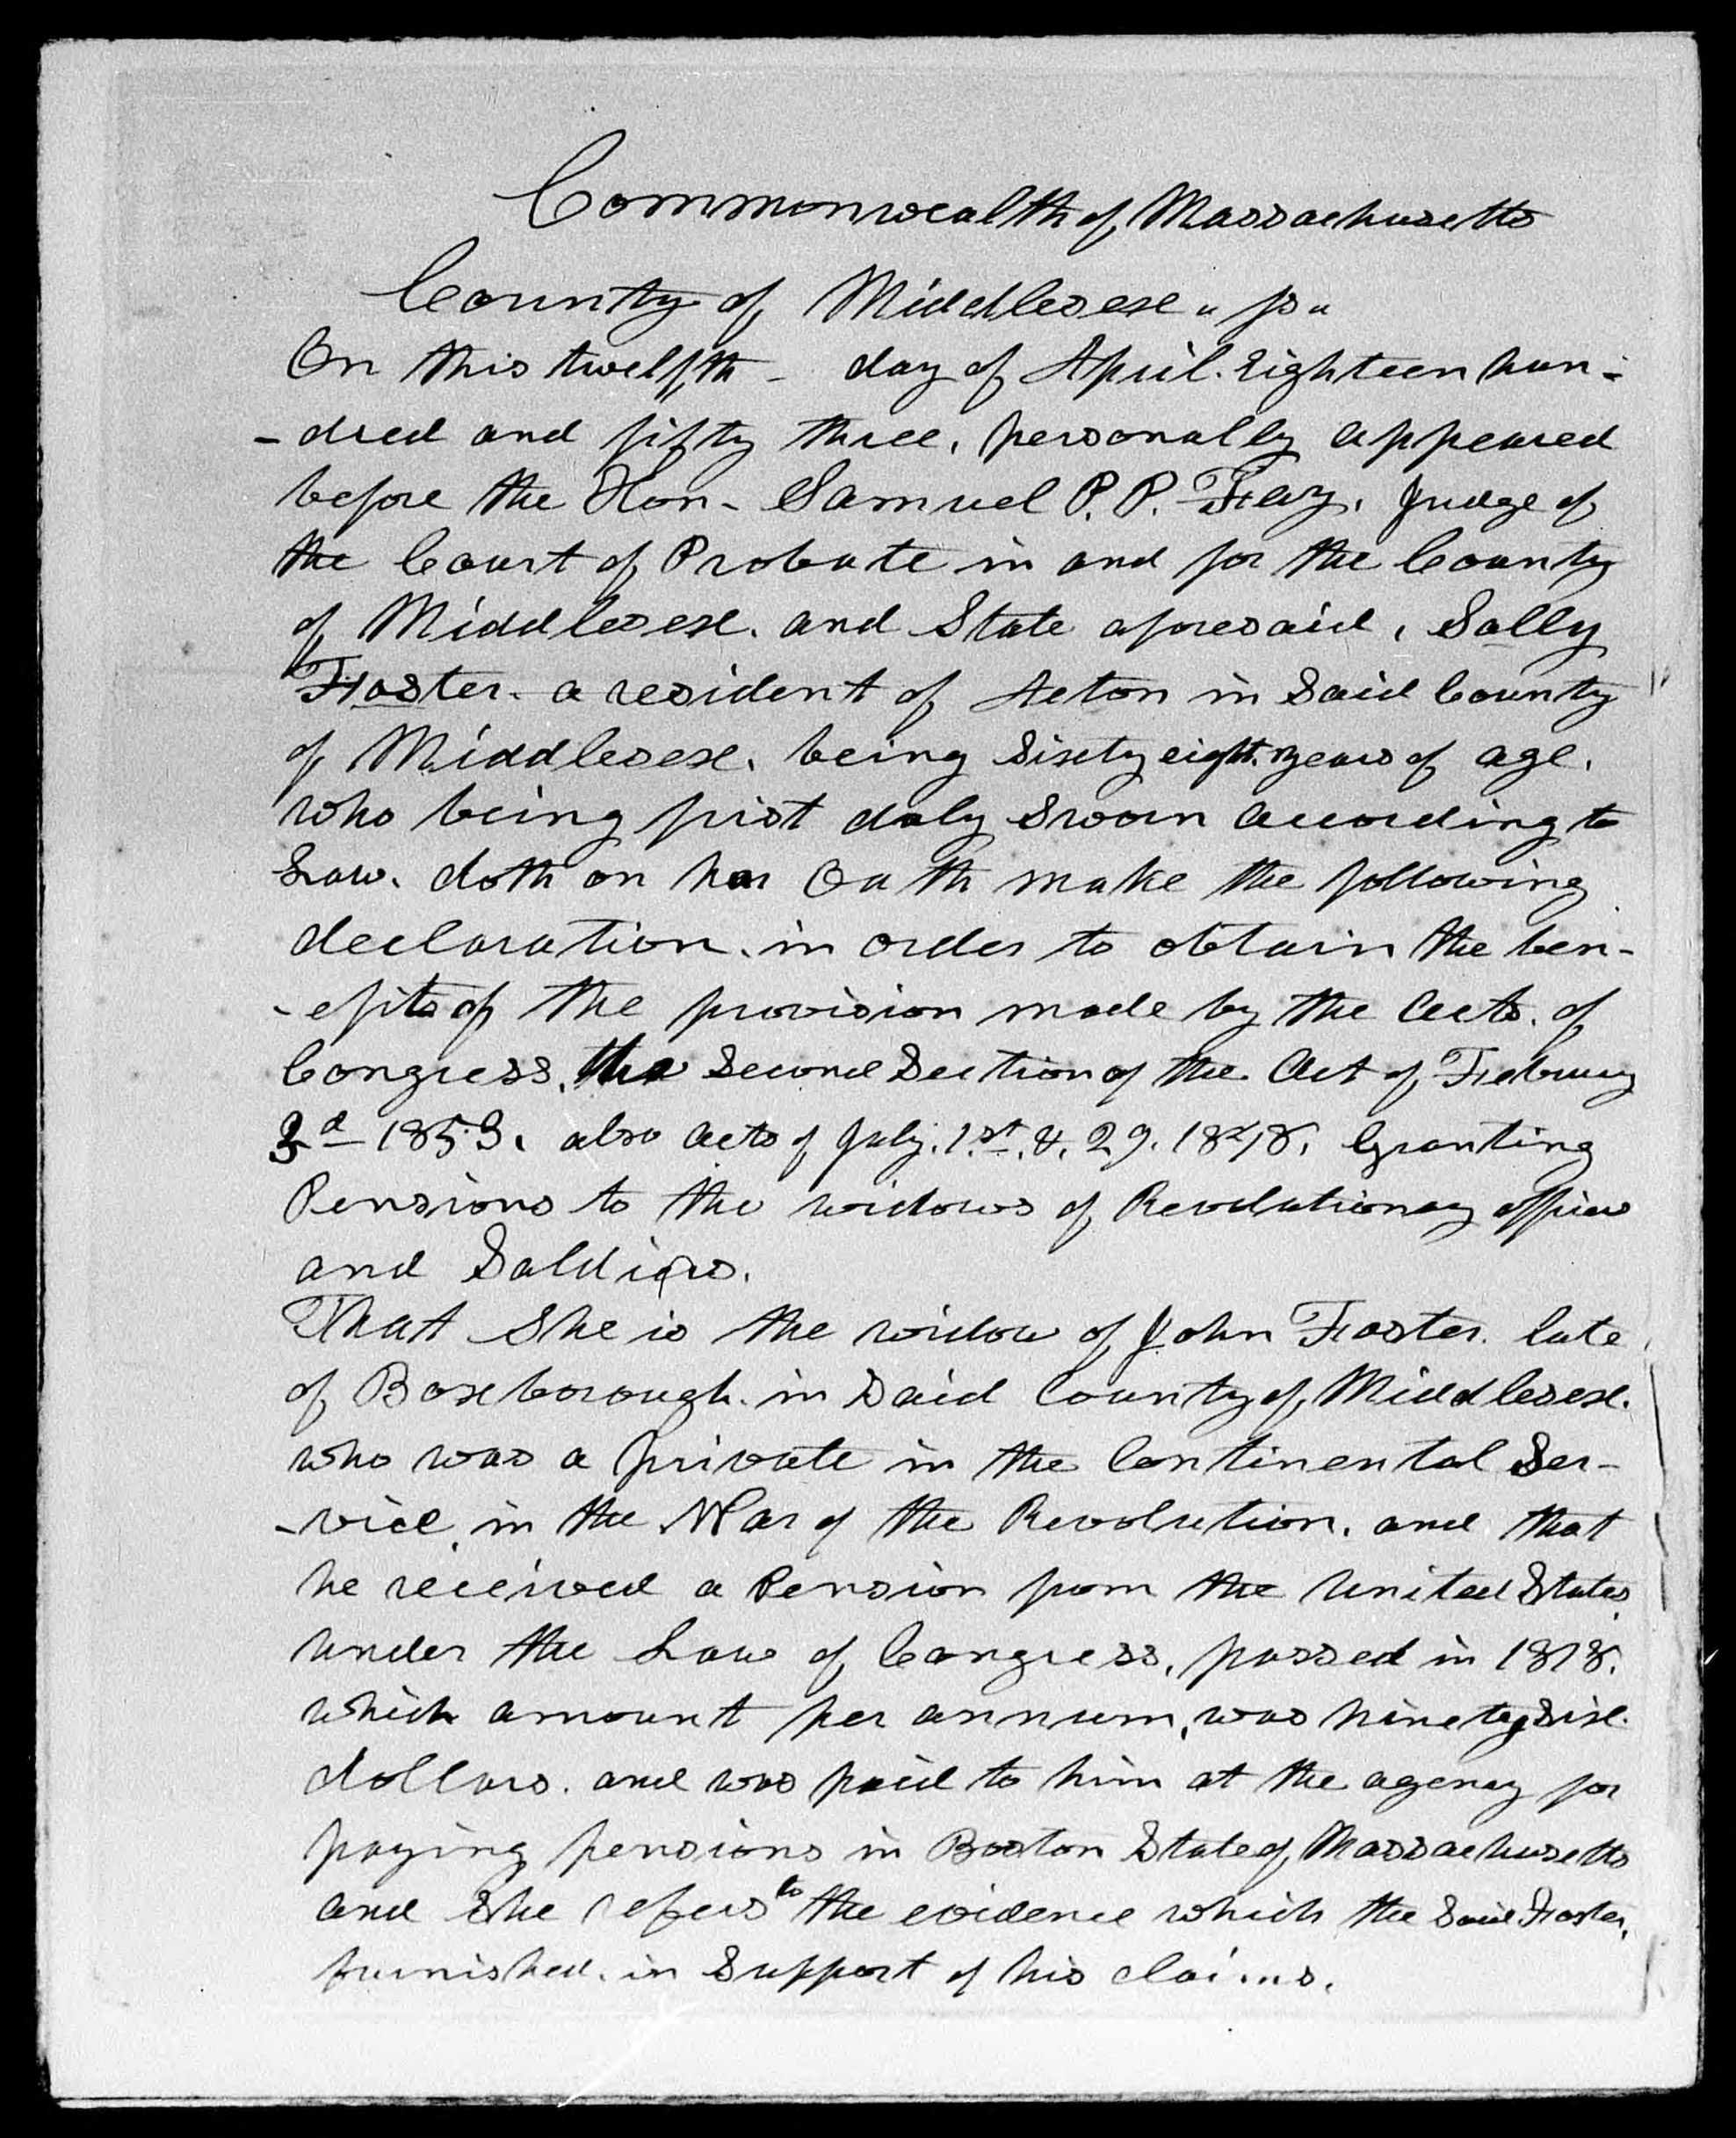Commonwealth of Massachusetts
County of Middlesex ss
On this twelfth day of April eighteen hundred and fifty three, personally appeared before the Hon. Samuel P. P. Fay, Judge of the Court of Probate in and for the County of Middlesex, and State aforesaid, Sally Foster, a resident of Acton in said County of Middlesex, being sixty eight years of age, who being first duly sworn according to Law, doth on her oath make the following declaration in order to obtain the benefits of the provision made by the Act of Congress, the Second Section of the Act of February 3d 1853.  also acts of July 1st & 29, 1818, granting Pensions to the widows of Revolutionary officers and soldiers.
That she is the widow of John Foster, late of Boxborough in said County of Middlesex, who was a private in the Continental Service in the War of the Revolution, and that he received a Pension from the United States under the Law of Congress passed in 1818 which amount per annum, was ninety six dollars, and was paid to him at the agency for paying pensions in Boston State of Massachusetts and she refers to the evidence which the said Foster furnished in support of his claims.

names: Sally Foster, Foster, Samuel P P Fay, John Foster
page: 11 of 47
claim: widow's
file: W. 7,302, John Foster, Continental Mass. R.I.